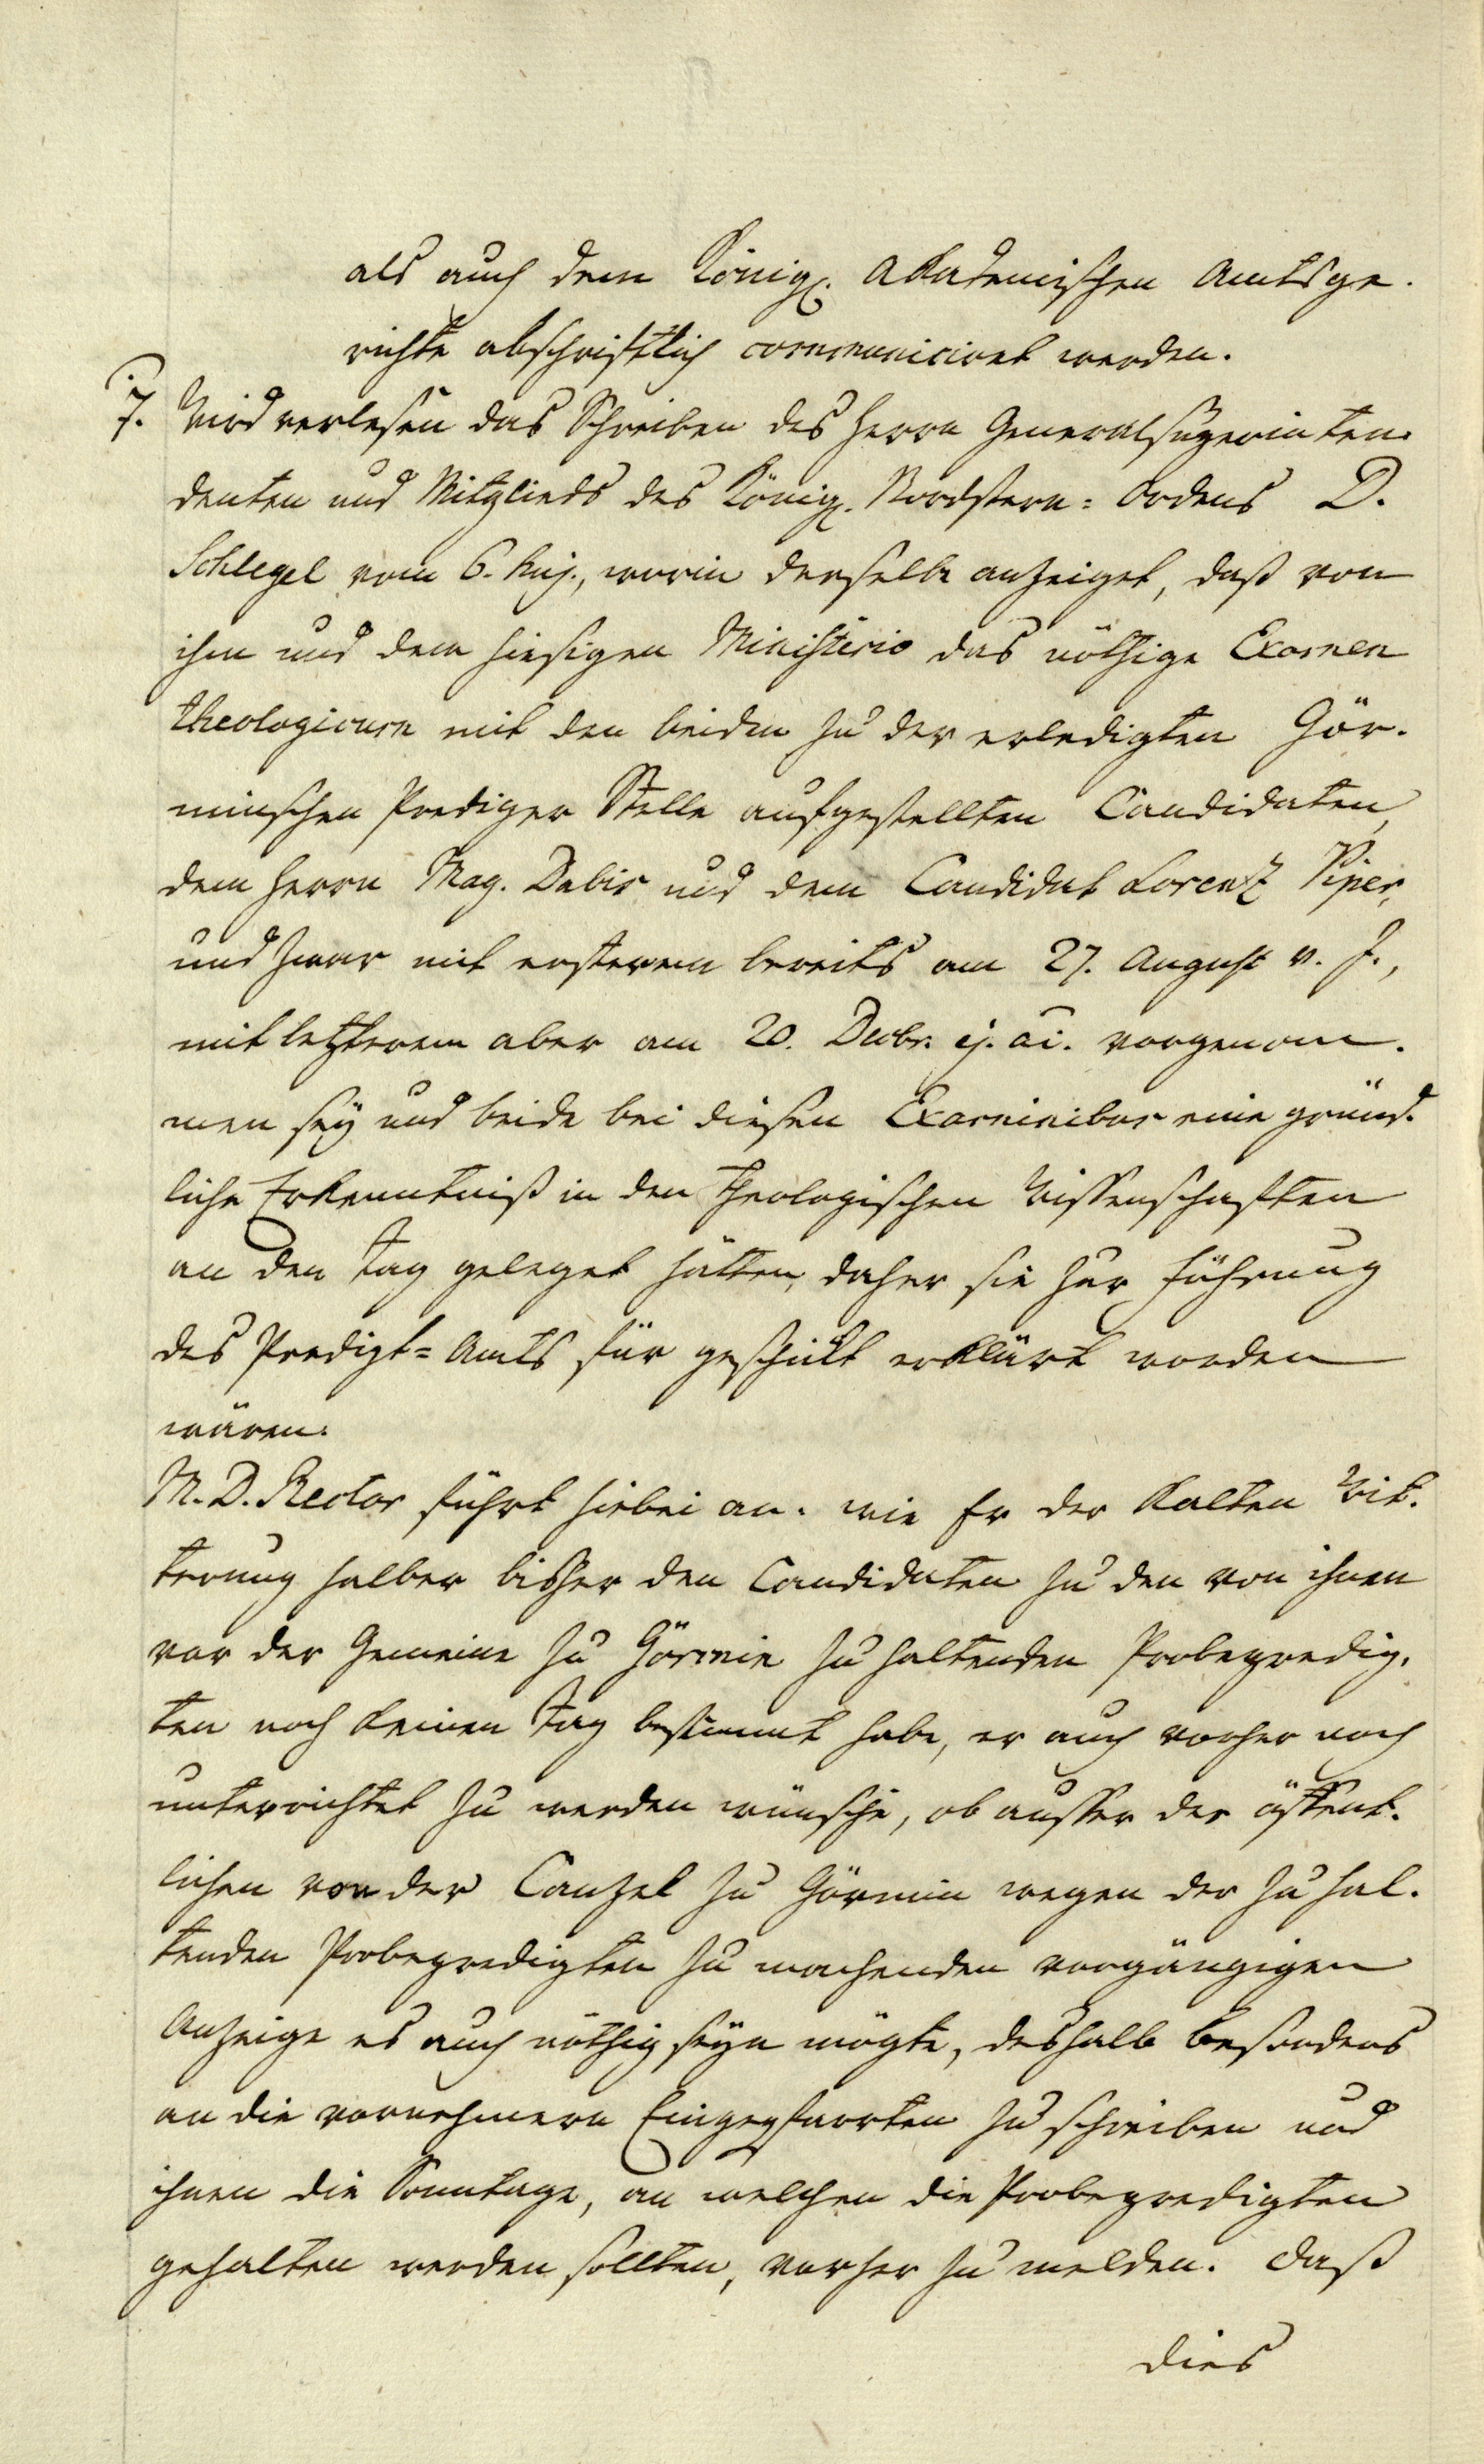als auch dem Königl. Akademischen Amtsge¬
richte abschriftlich communiciret werden.
7. Wird verlesen das Schreiben des Herrn Generalsuperinten¬
denten und Mitglieds des Königl. Nordstern- Ordens D.
Schlegel vom 6. huj., worin derselbe anzeiget, daß von
ihm und dem hiesigen Ministerio das nöthige Examen
theologicum mit den beiden zu der erledigten Gör¬
minschen Prediger Stelle aufgestellten Candidaten,
dem Herrn Mag. Dabis und dem Candidat Lorenz Piper,
und zwar mit ersterem bereits am 27. August v. J.,
mit letzterem aber am 20. Decbr. ej. ai. vorgenom¬
men seÿ und beide bei diesem Examinibus eine gründ¬
liche Erkenntniß in den Theologischen Wissenschaften
an den Tag geleget hätten, daher sie zur Führung
des Predigt- Amts für geschickt erklärt worden
wären.
M. D. Rector führt hiebei an: wie Er der kalten Wit¬
terung halber bisher den Candidaten zu den von ihnen
vor der Gemeine zu Görmin zu haltenden Probepredig¬
ten noch keinen Tag bestimmt habe, er auch vorher noch
unterrichtet zu werden wünsche, ob ausser der öffent¬
lichen von der Canzel zu Görmin wegen der zu hal¬
tenden Probepredigten zu machenden vorgängigen
Anzeige es auch nöthig seÿn mögte, deshalb besonders
an die vornehmern Eingepfarrten zu schreiben und
ihnen die Sonntage, an welchen die Probegredigten
gehalten werden sollten, vorher zu melden. Daß
dies